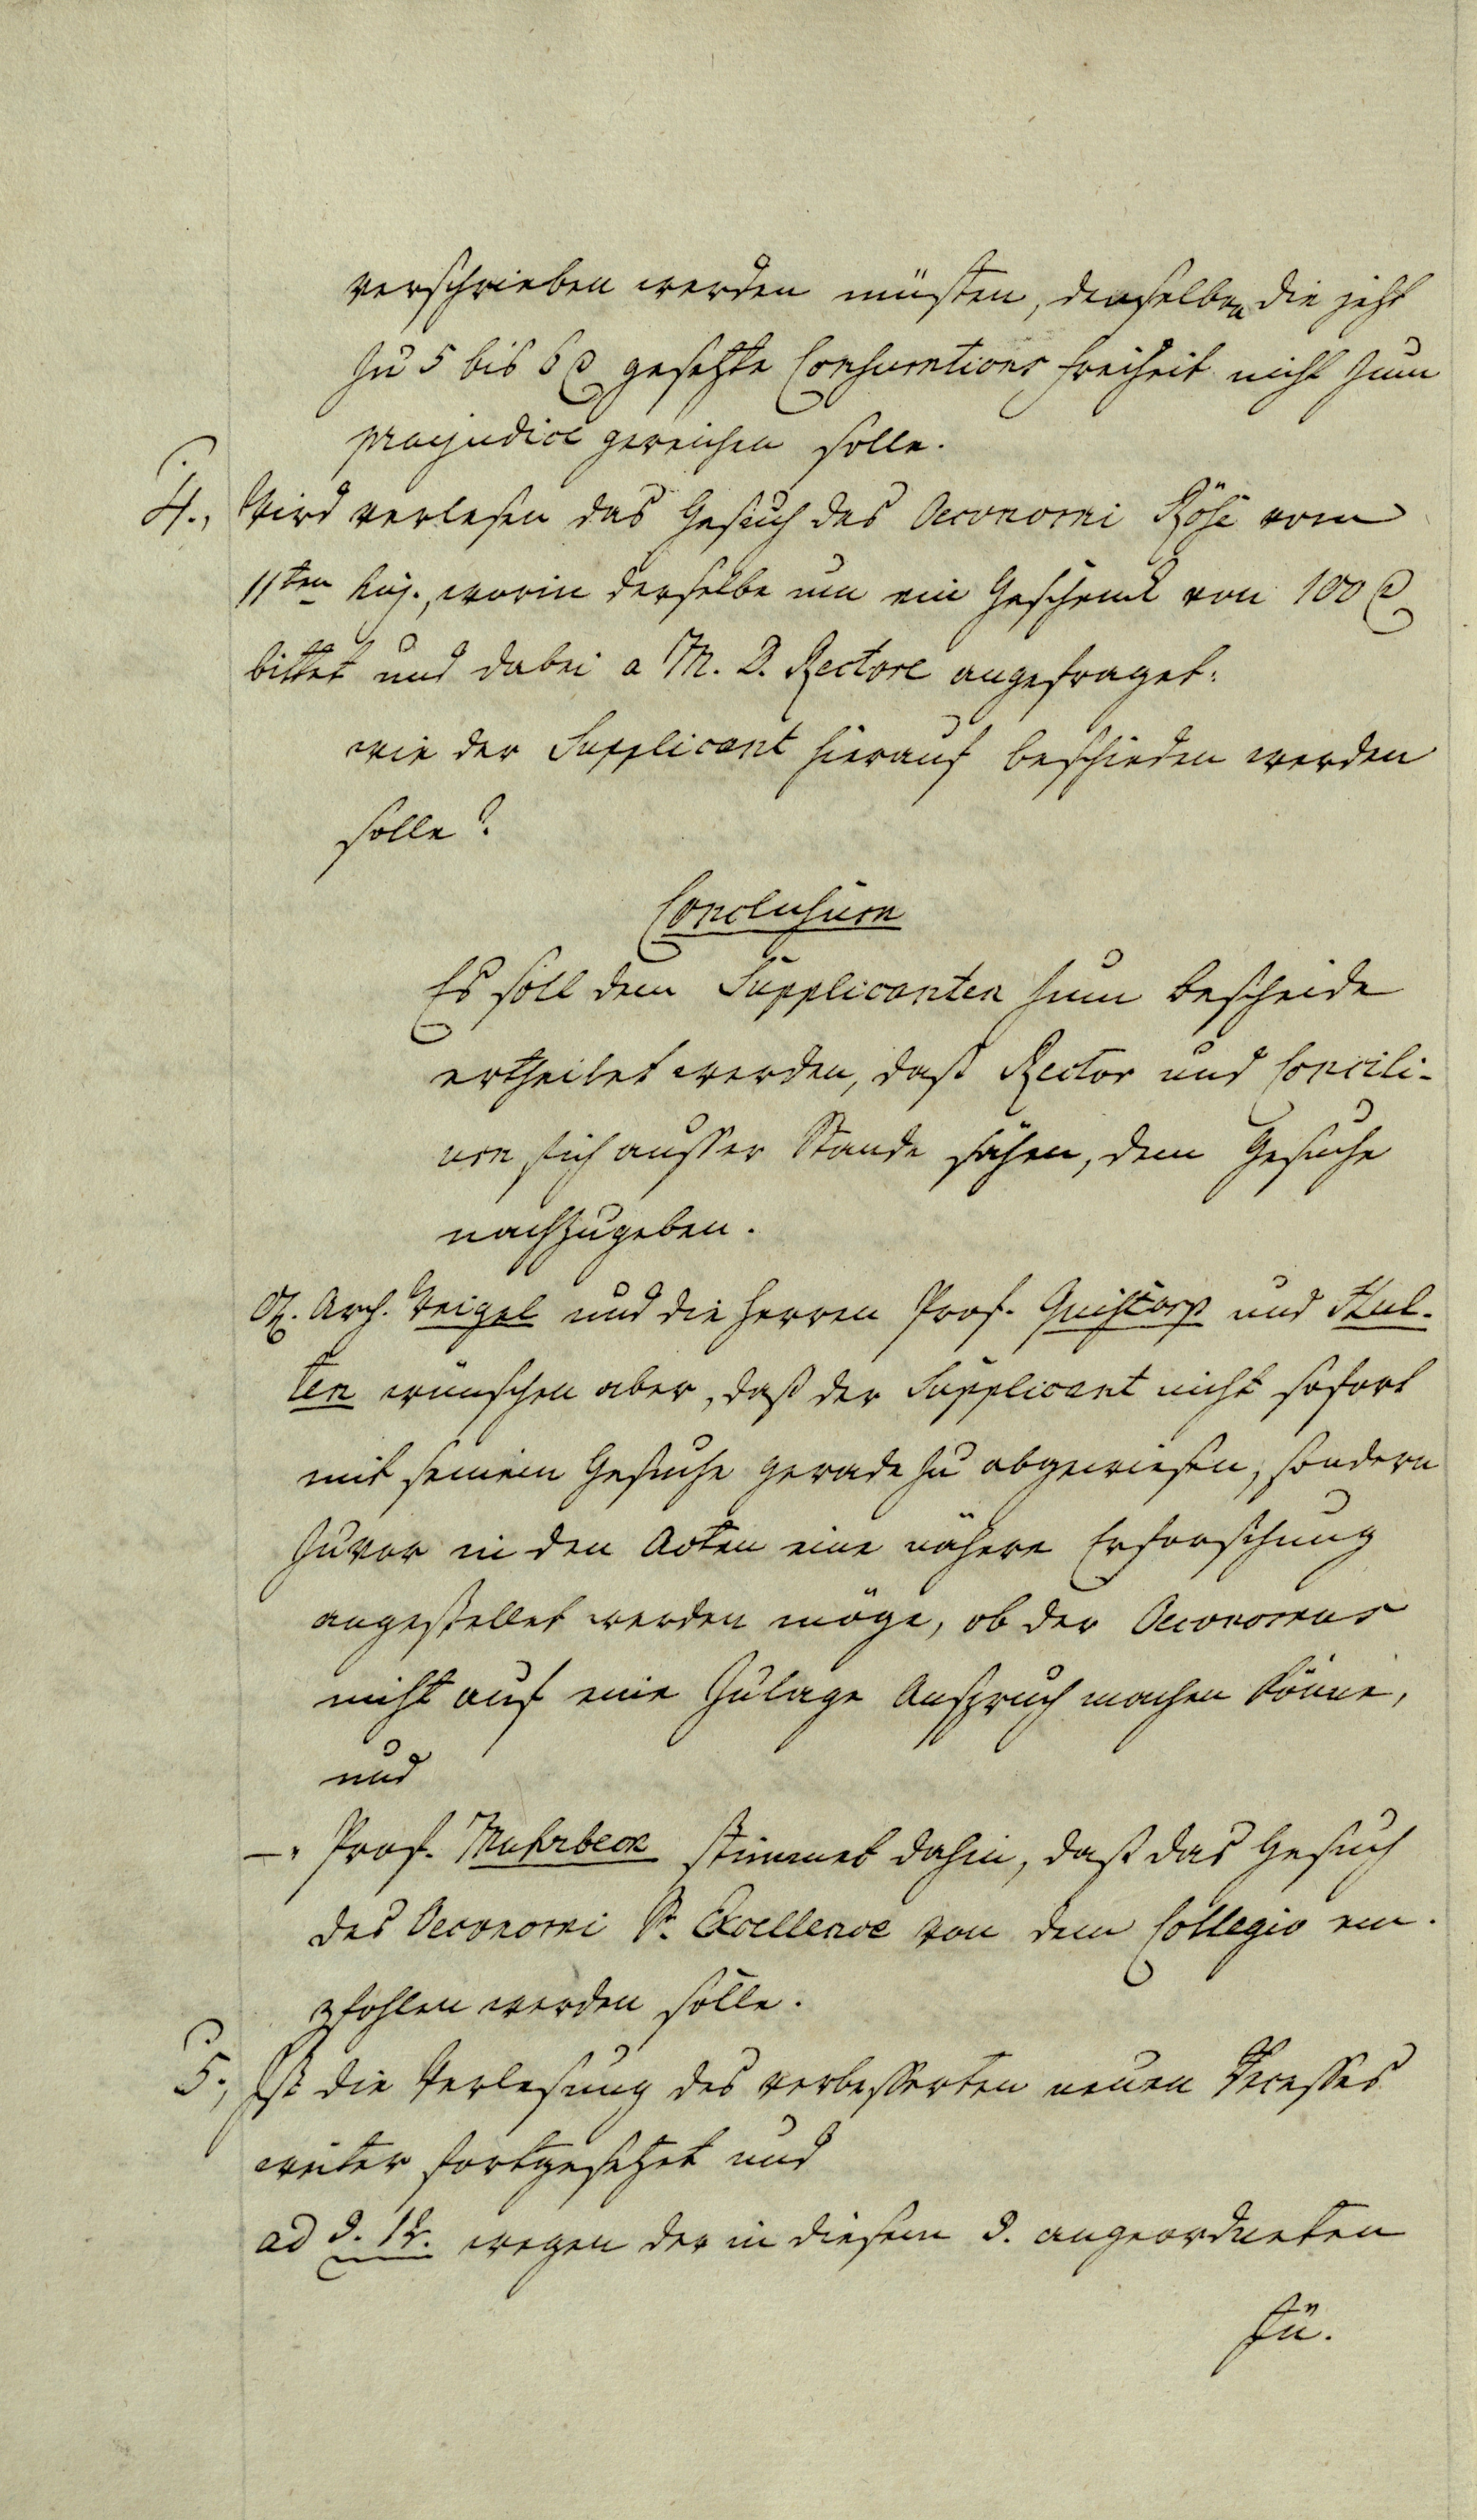verschrieben werden müßten, denselben die jetzt
zu 5 bis 6 l . gesetzte Consumtions Freiheit nicht zum
praejudice gereichen solle.
4., Wird verlesen das Gesuch des Oeconomi Röse vom
11 ten huj., worin derselbe um ein Geschenck von 100 l.
bittet und dabei a M. D. Rectore angefraget:
wie der Supplicant hierauf beschieden werden
solle?
Conclusum
Es soll dem Supplicanten zum Bescheide
ertheilet werden, daß Rector und Concili¬
um sich ausser Stande sähen, dem Gesuche
nachzugeben.
dh. Art. Weigel und die Herren Prof. Quistorp und Hul¬
ten wünschen aber, daß der Supplicant nicht sofort
mit seinem Gesuche gerade zu abgewiesen, sondern
zuvor in den Acten eine nähere Erforschung
angestellet werden möge, ob der Oeconomus
nicht auf eine Zulage Anspruch machen könne,
und
Prof. Muhrbeck stimmet dahin, daß das Gesuch
des Oeconomi Sr. Excellence von dem Collegio em¬
pfohlen werden solle.
5., Ist die Verlesung des verbesserten neuen Recesses
weiter fortgesetzet und
ad §. 12. wegen der in diesem §. angeordneten
Er.